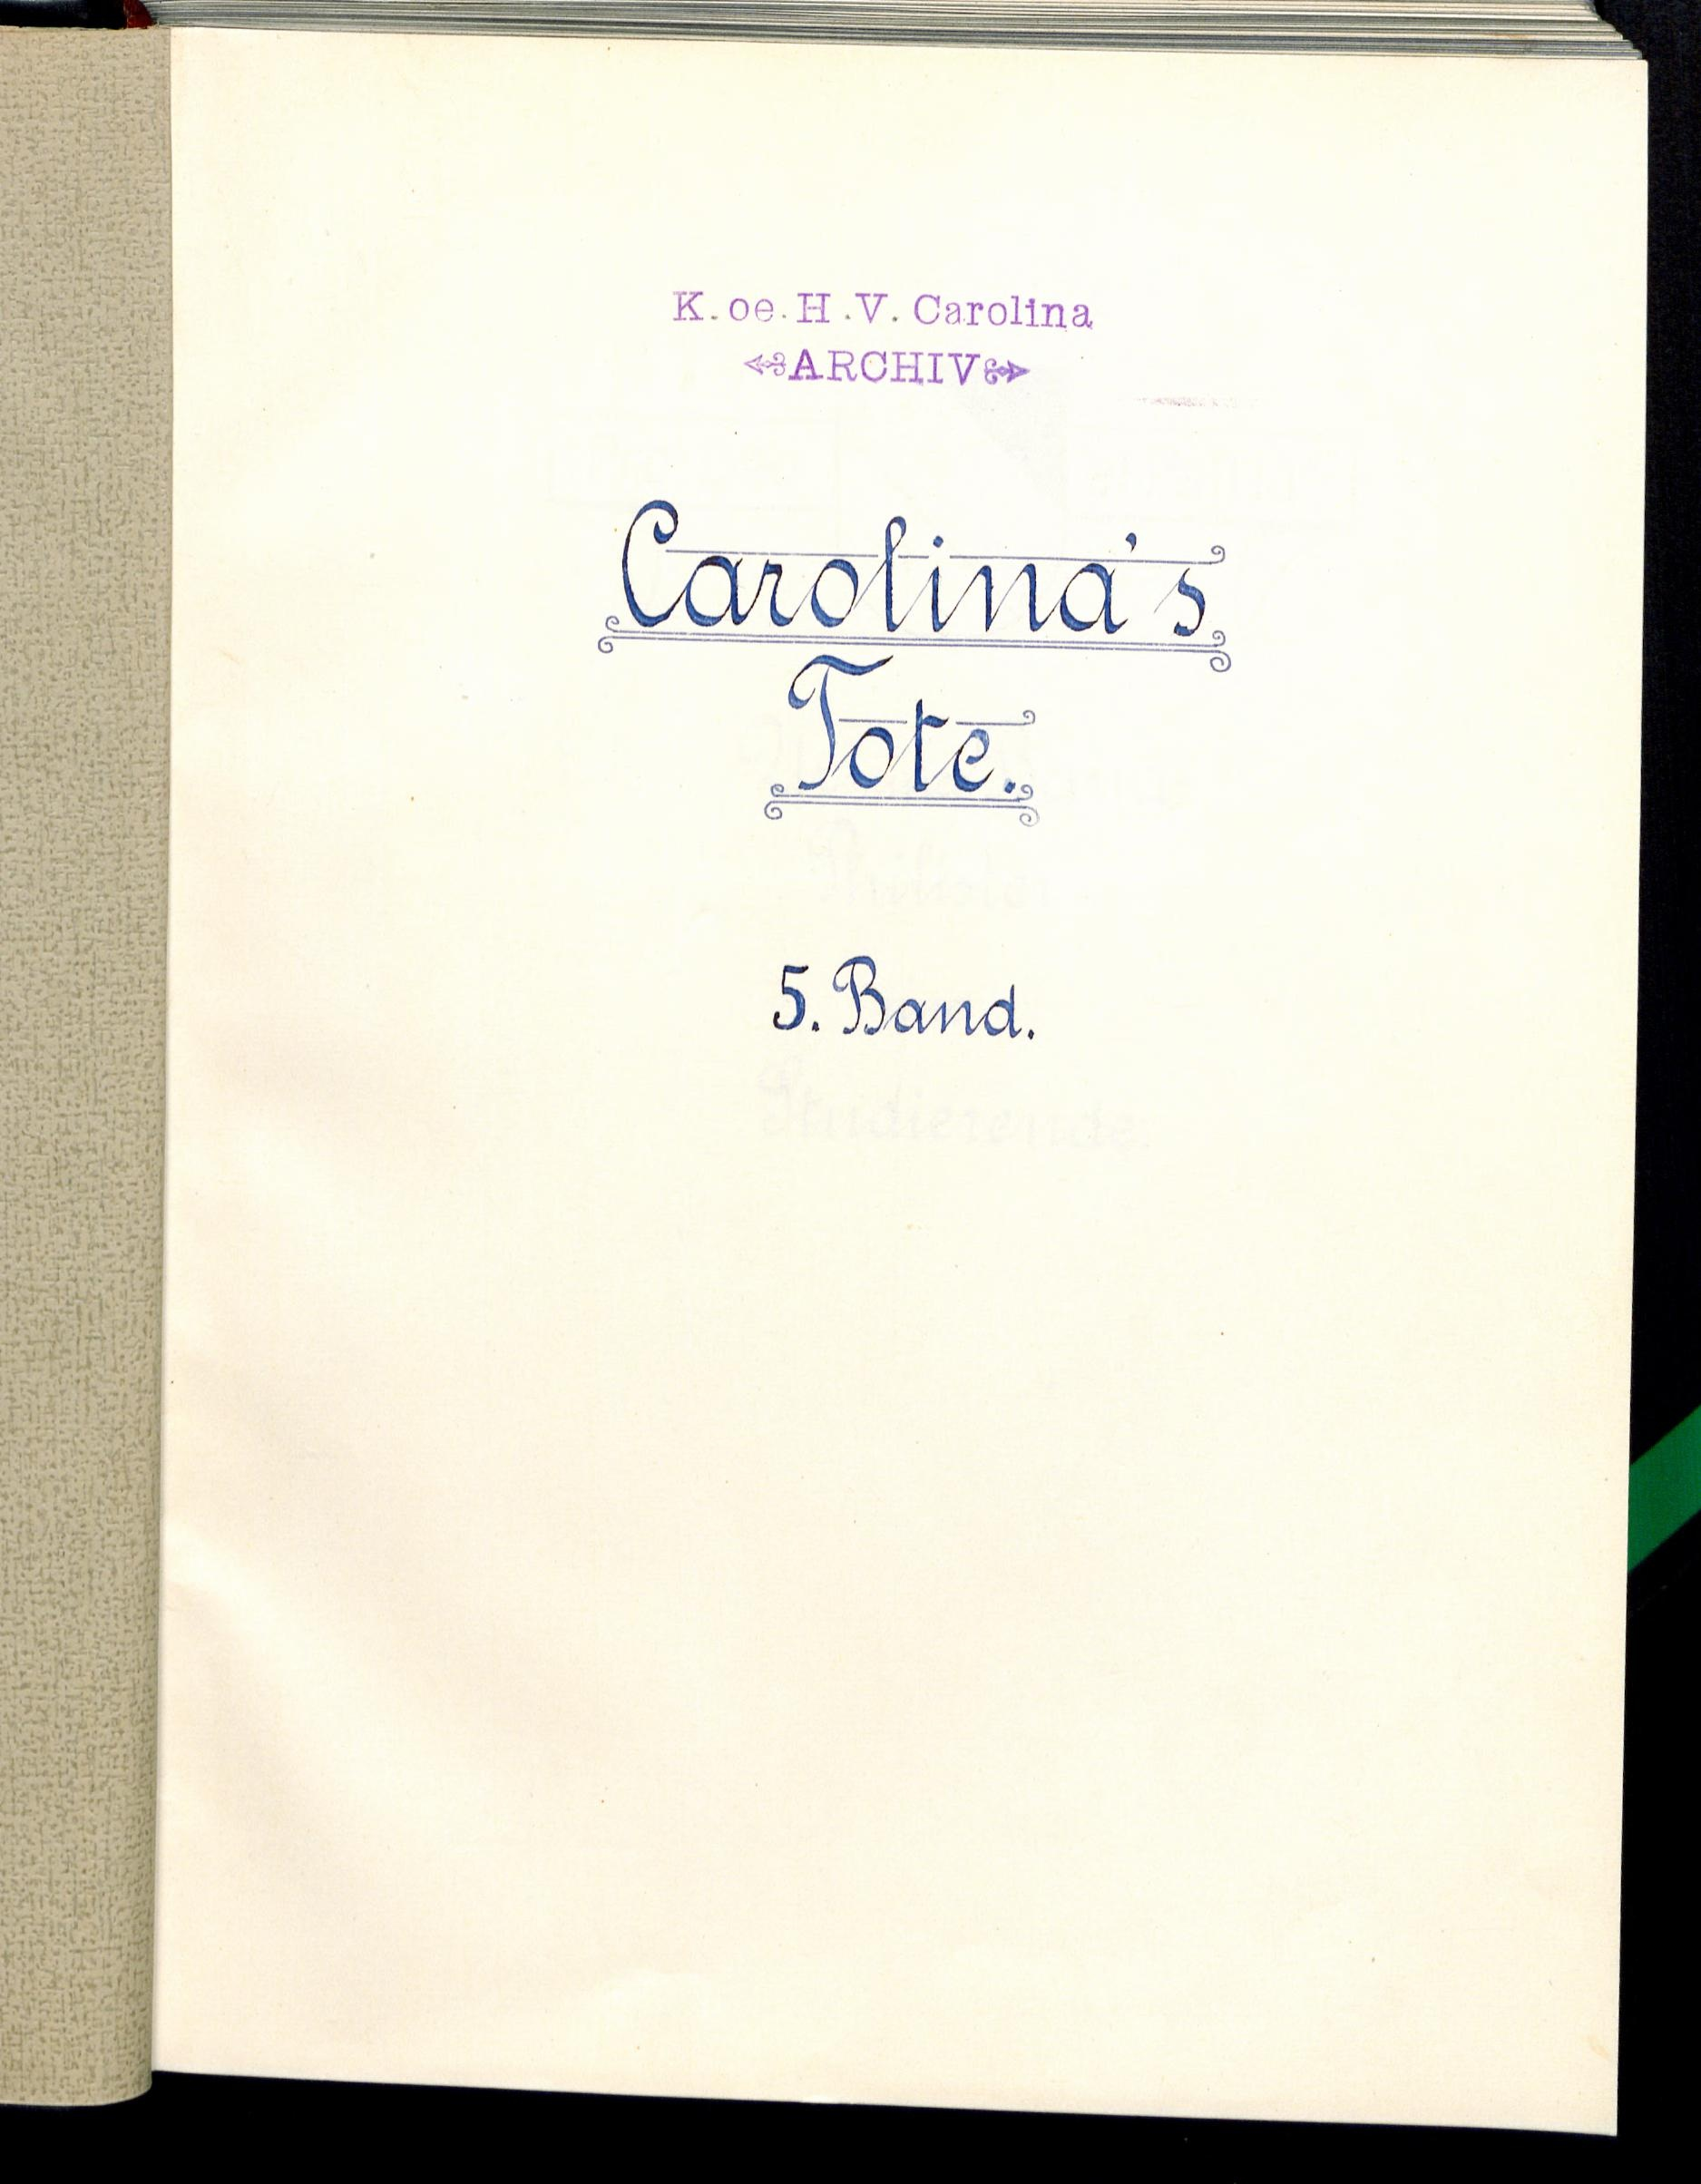K. oe. H. V. Carolina
Archiv
Carolina’s
Tote
5. Band